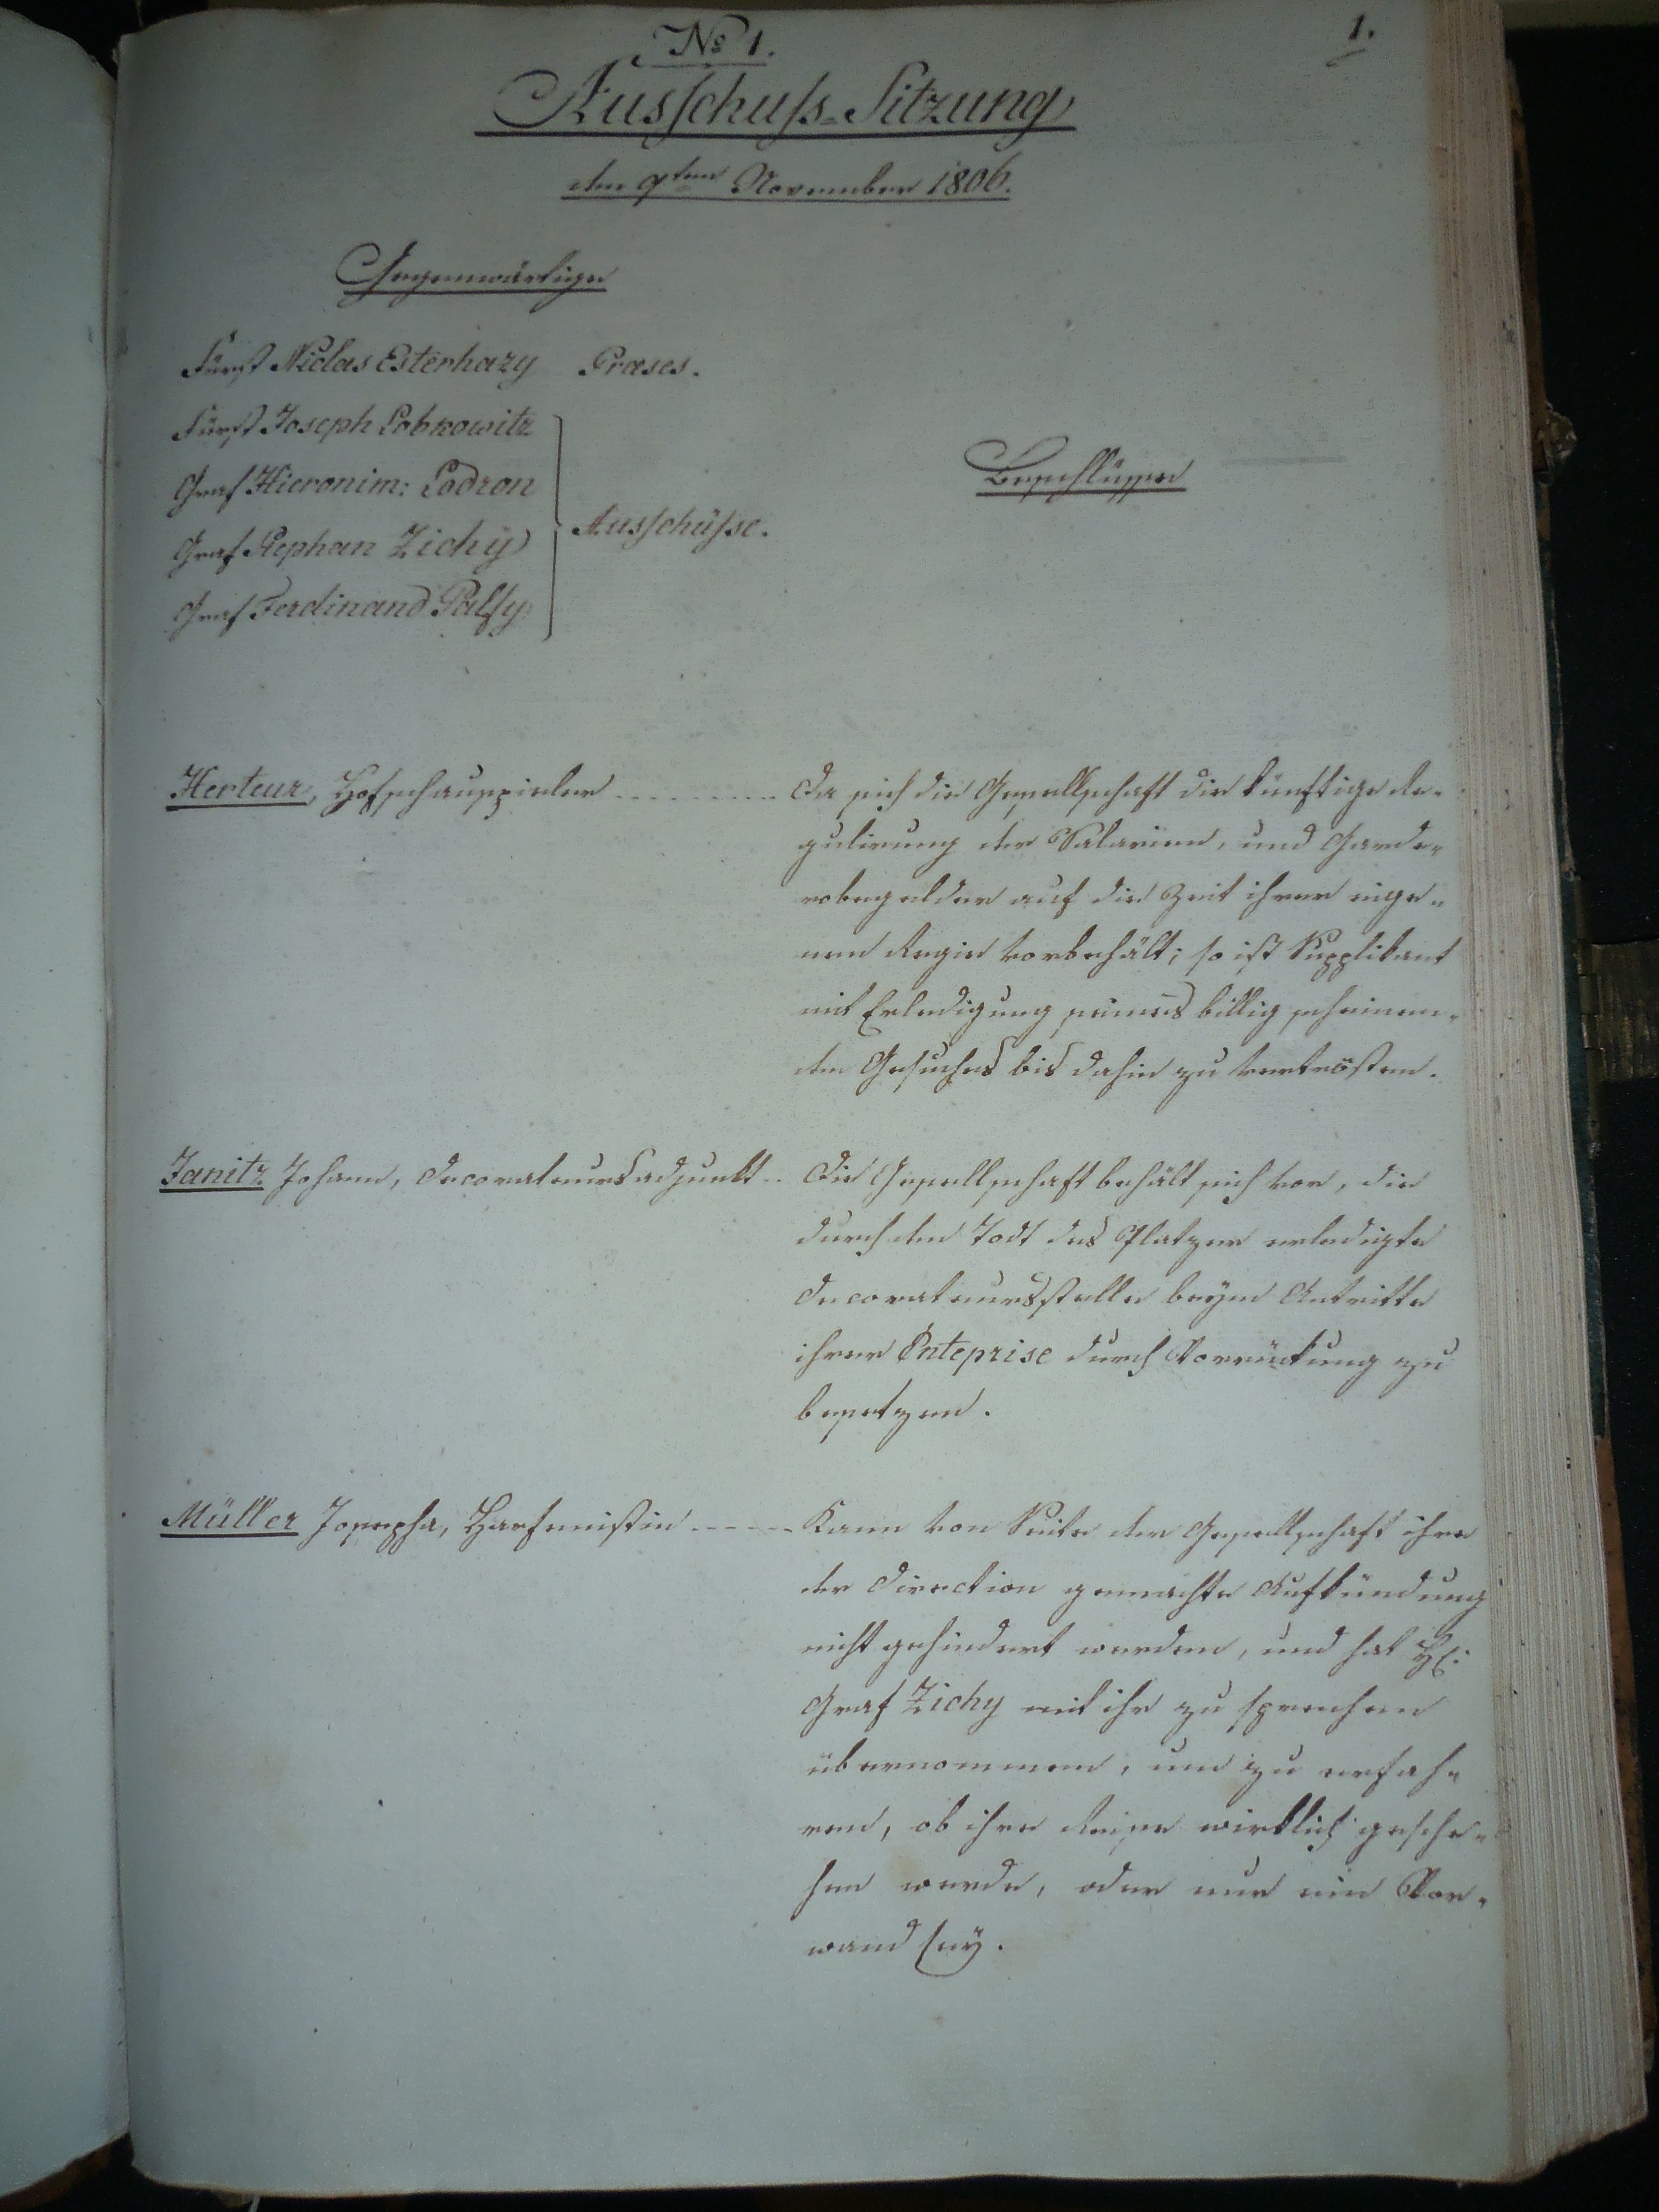1.
No͇ 1.
Ausschuss‗Sitzung
den 9te͇n November 1806.
Gegenwärtige
Fürst Niclas Esterhazy Præses.
Fürst Joseph Lobkowitz
Graf Hieronim: Lodron
Graf Stephan Zichy
Graf Ferdinand Palfy
Ausschüsse.
Beschlüsse
Herteur, Hofschauspieler ………. Da sich die Gesellschaft die künftige Re¬
gulirung der Salarien, und Garde¬
robegelder auf die Zeit ihrer eige¬
nen Regie vorbehält; so ist Supplikant
mit Erledigung seines billig scheinen¬
den Gesuches bis dahin zu vertrösten.
Janitz Johann, Decorateursadjunkt .. Die Gesellschaft behält sich vor, die
durch den Todt des Platzer erledigte
Decorateursstelle beym Antritte
ihrer Enteprise durch Vorrückung zu
besetzen.
Müller Josepha, Harfinistin ...... Kann von Seite der Gesellschaft ihre
der Direction gemachte Aufkündung
nicht gehindert werden, und hat HE:
Graf Zichy mit ihr zu sprechen
übernommen, um zu erfah¬
ren, ob ihre Reise wirklich gesche¬
hen werde, oder nur ein Vor¬
wand sey.